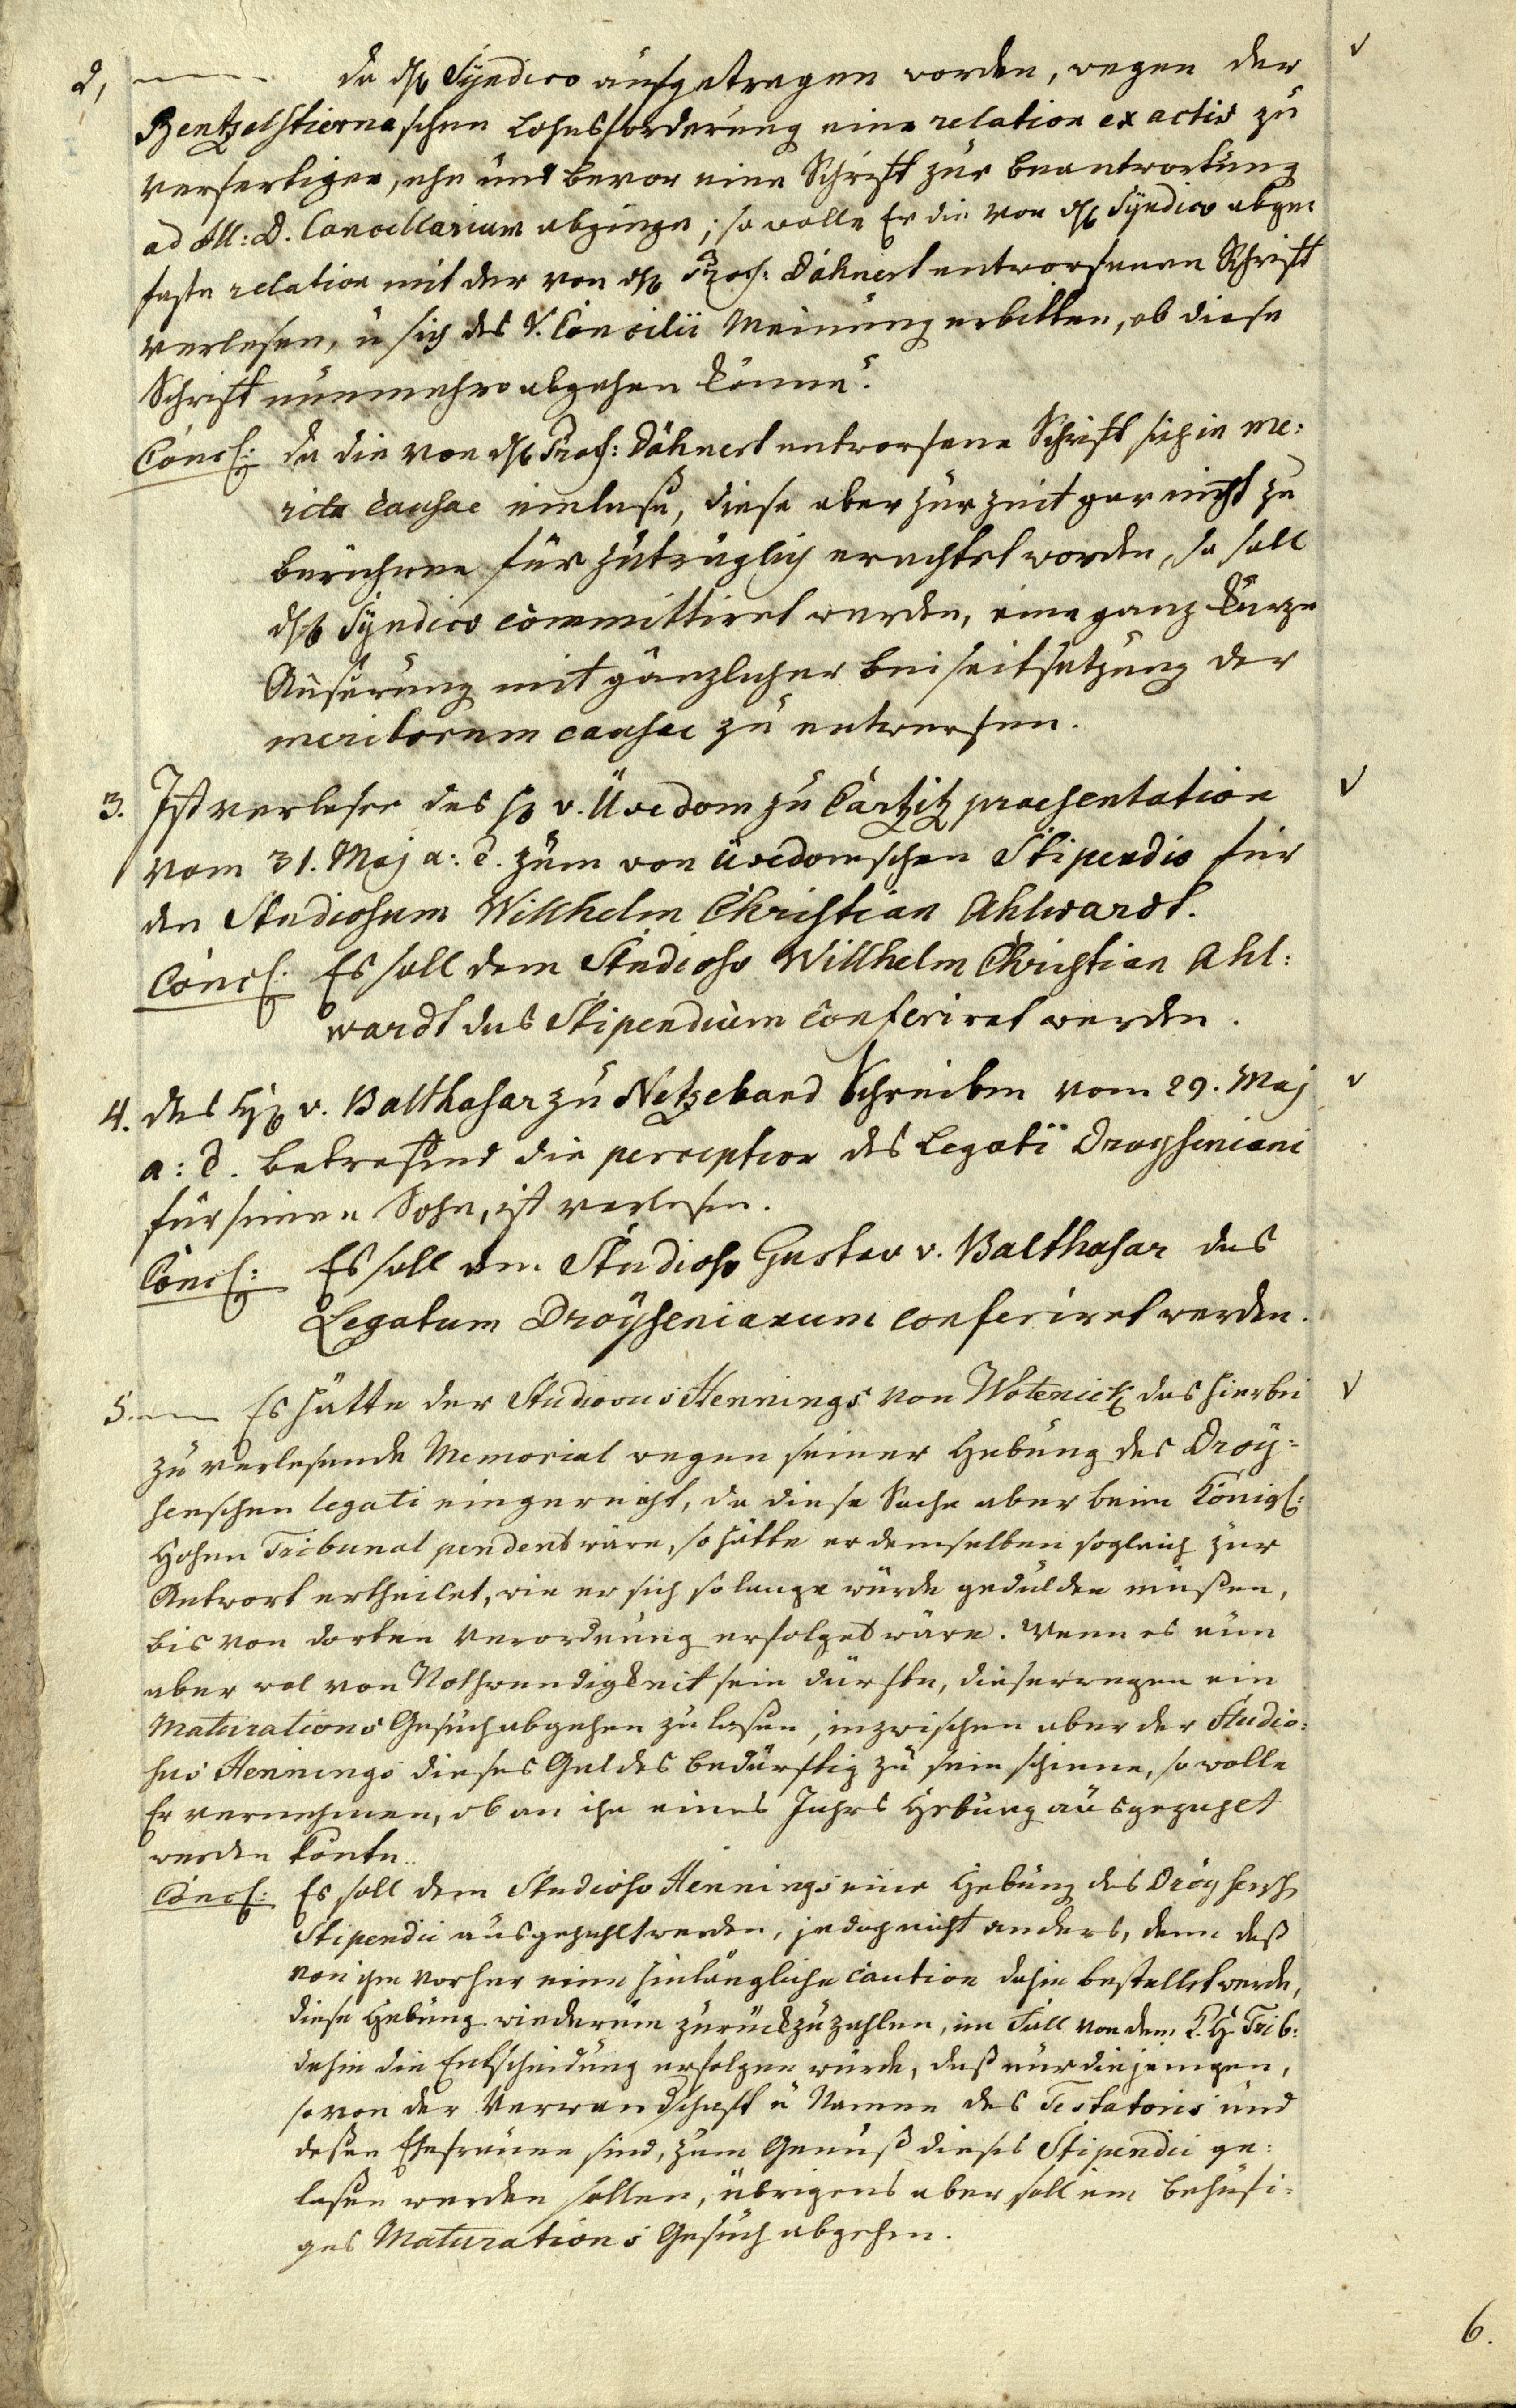2, Da dh. Sÿndico aufgetragen worden, wegen der
Bentzelstiernaschen Lohnsforderung eine relation ex actis zu
verfertigen, ehe und bevor eine Schrift zur Beantwortung
ad. M. D. Cancellarium abginge; so wolle Er die von dh. Sÿndico abge¬
faste relation mit der von dh. Prof. Dähnert entworfenen Schrift
verlesen, u sich des V. Concilii Meinung erbitten, ob diese
Schrift nunmehro abgehen könne?
Concl. Da die von dh. Prof. Dähnert entworfene Schrift sich in me¬
rite causae einlaße, diese aber zur zeit gar nicht zu
berühren für zuträglich erachtet worden, so soll
dh. Sÿndico committiret werden, eine ganz kurze
Äußerung mit gänzlicher Beiseitsetzung der
meritorem causae zu entwerfen.
3. Ist verlesen des h. v. Usedom zu Cartzitz praesentation
vom 31. Maj a. d. zum von Usedomschen Stipendio für
den Studiosum Willhelm Christian Ahlwardt.
Concl. Es soll dem Studioso Willhelm Christian Ahl¬
wardt das Stipendium conferiret werden.
4. Des h. v. Barlthasar zu Netzeband Schreiben vom 29. Maj
a. d. betreffend die perception des Legati Droyseniani
für seinen Sohn, ist verlesen.
Concl. Es soll dem Studioso Gustav v. Balthasar das
Legatum Droÿsenianum conferiret werden.
Es hätte der Studiosus Hennings von Wotenick das hierbei
zu verlesende Memorial wegen seiner Hebung des Droÿ¬
senschen legati eingereicht, da diese Sache aber beim Königl.
Hohen Tribunal pendent wäre, so hätte er demselben sogleich zur
Antwort ertheilet, wie er sich so lange würde gedulden müßen,
bis von dorten Verordnung erfolget wäre. Wenn es nun
aber wol von Nothwendigkeit sein dürfte, dieserwegen ein
Maturationsgesuch abgehen zu laßen, inzwischen aber der Studio¬
sus Hennings dieses Geldes bedürftig zu sein schiene, so wolle
Er vernehmen, ob an ihn eines Jahrs Hebung ausgezahlt
werden könte.
Concl. Es soll dem Studioso Hennings eine Hebung des Droÿsenschen
Stipendii ausgezahlt werden, jedoch nicht anders, denn daß
von ihm vorher eine hinlängliche Caution dahin bestellet werde,
diese Hebung wiederum zurückzuzahlen, im Fall von dem K. H. Trib.
dahin die Entscheidung erfolgen würde, daß nur diejenigen,
so von der Verwandschaft u Namen des Testatoris und
deßen Ehefrauen sind, zum Genuß dieses Stipendii ge¬
laßen werden sollen, übrigens aber soll ein behufi¬
ges Maturations Gesuch abgehen.